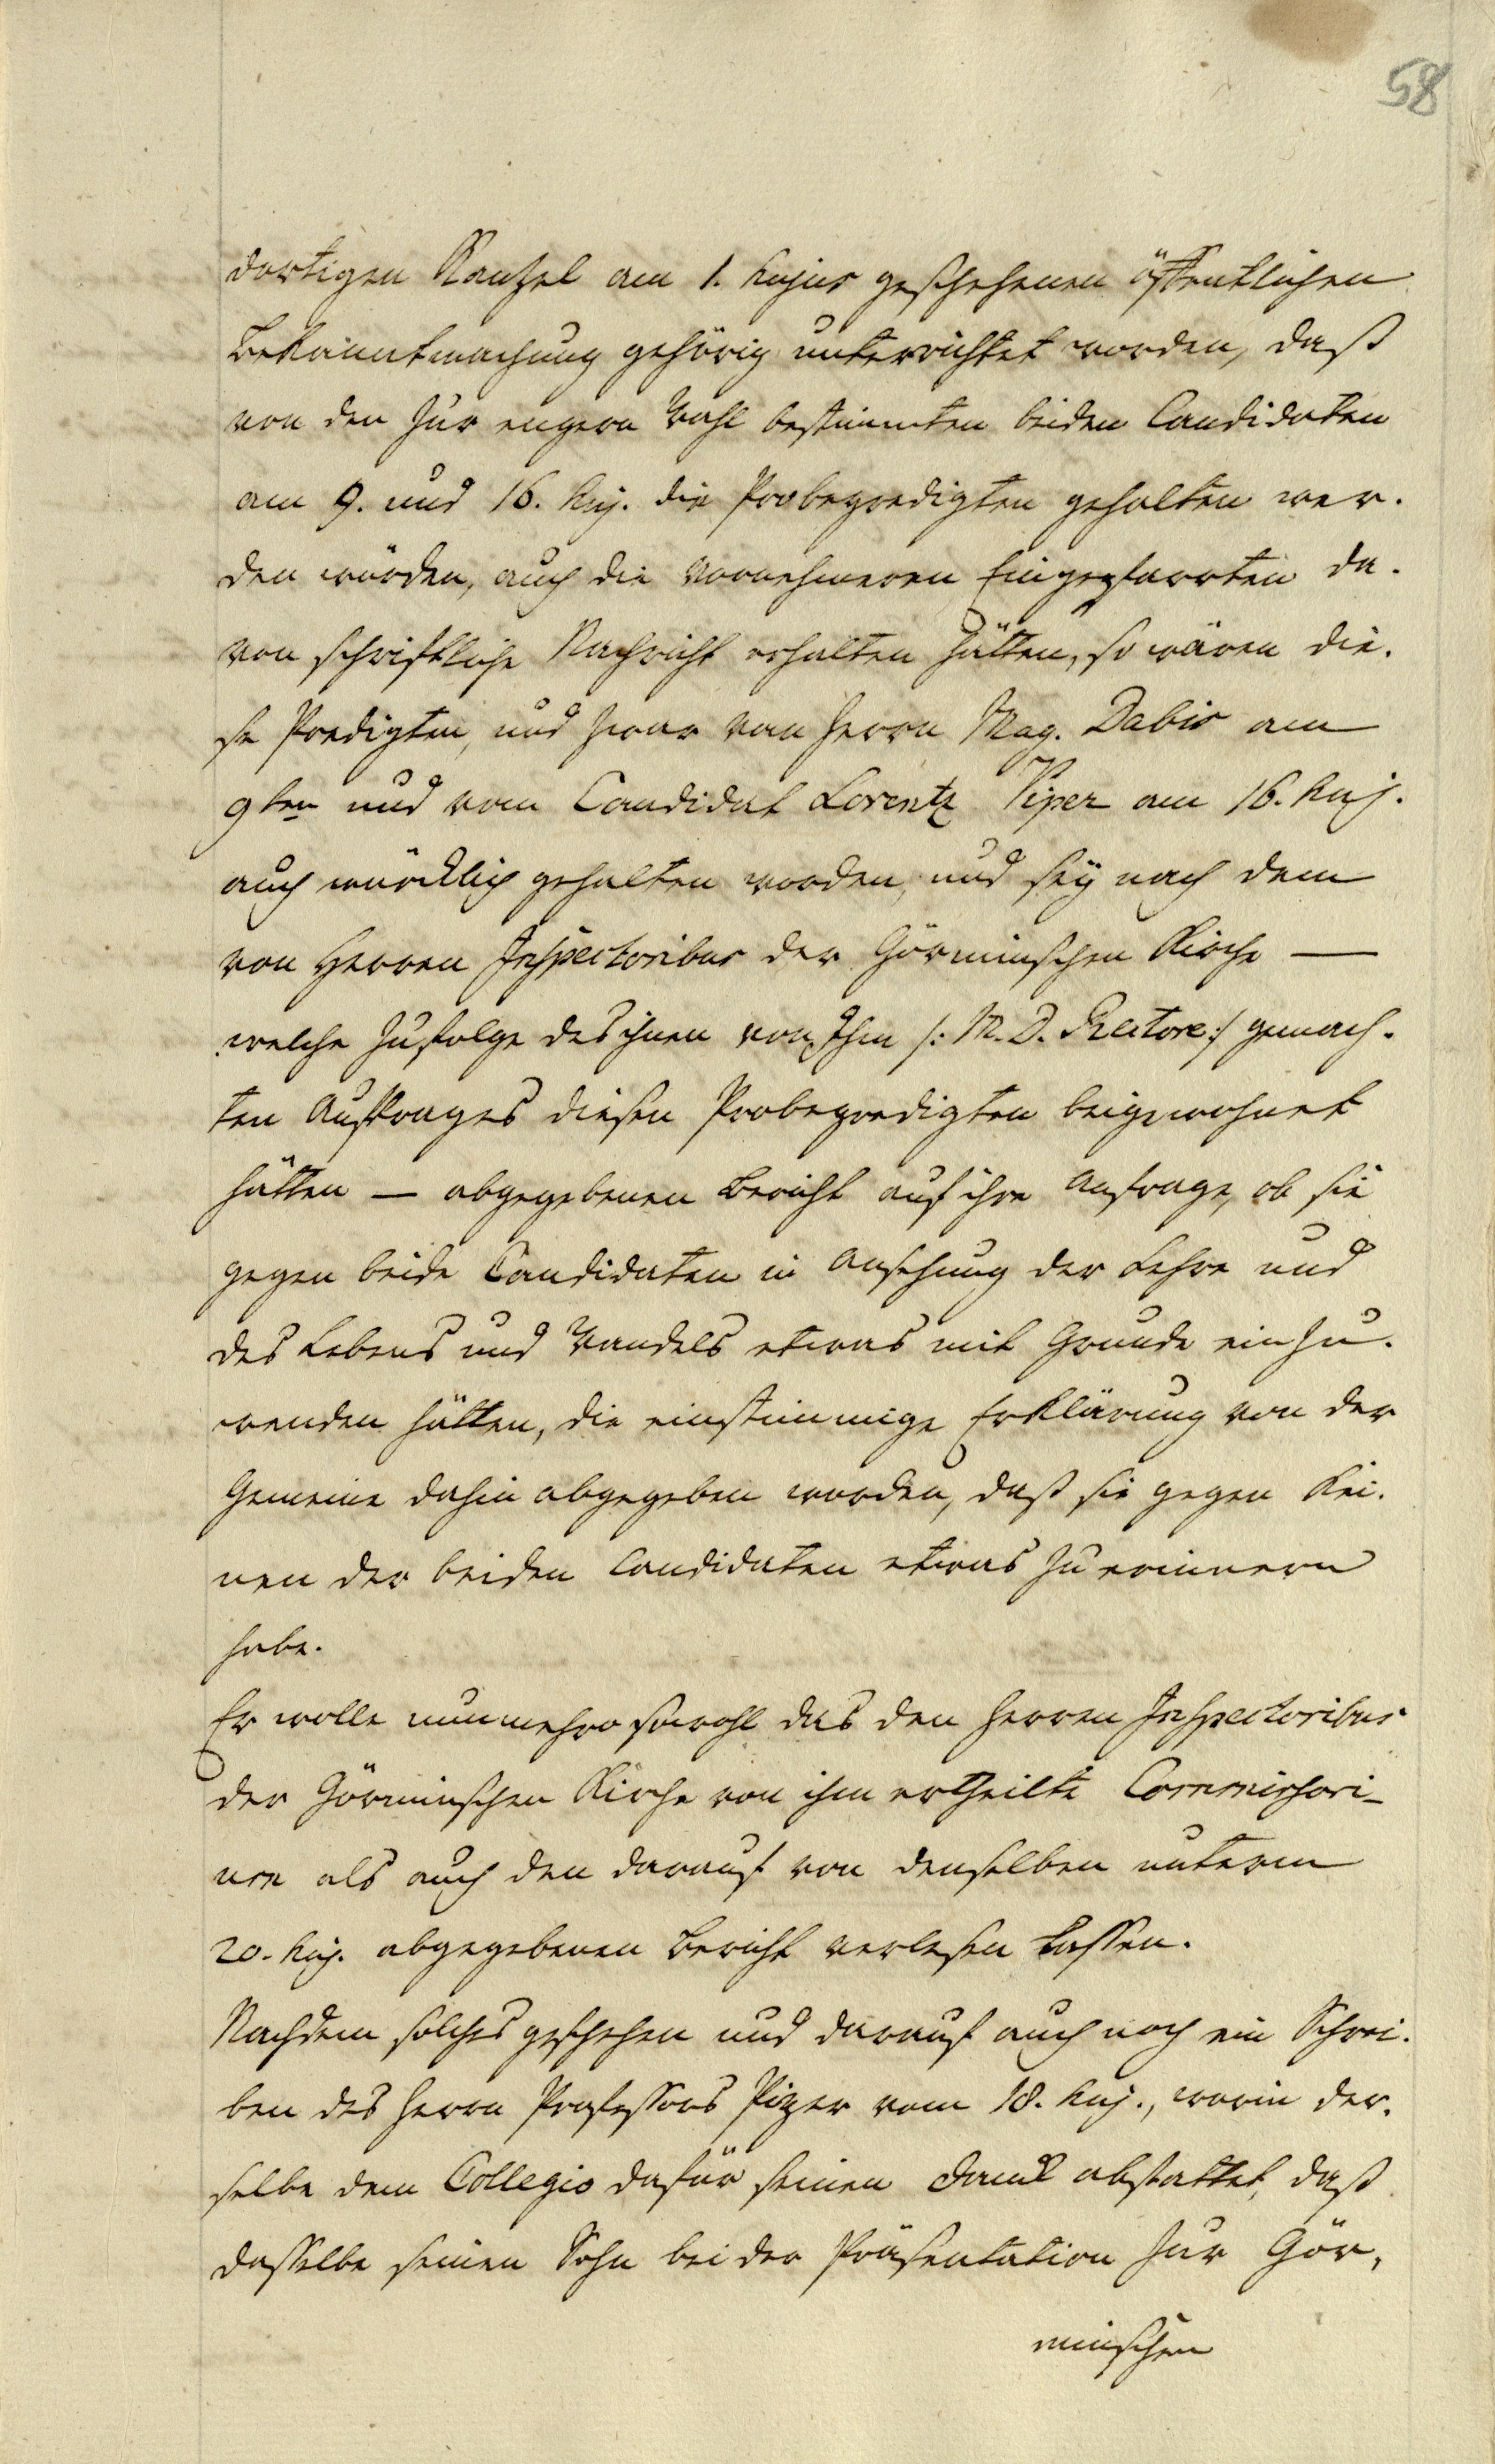dortigen Kanzel am 1. hujus geschehenen öffentlichen
Bekanntmachung gehörig unterrichtet worden, daß
von den zur engern Wahl bestimmten beiden Candidaten
am 9. und 16. huj. die Probegredigten gehalten wer¬
den würden, auch die vornehmeren Eingepfarrten da¬
von schriftliche Nachricht erhalten hätten, so wären die¬
se Predigten, und zwar vom Herrn Mag. Dabis am
9 ten und vom Candidat Lorentzl Piper am 16. huj.
auch würcklich gehalten worden und seÿ nach dem
von Herren Inspectoribus der Görminschen Kirche
welche zufolge des ihnen von Ihm /: M. D. Rrectore :/ gemach¬
ten Auftrages diesen Probegredigten beigewohnet
hätten abgegebenen Bericht auf ihre Anfrage, ob sie
gegen beide Candidaten in Ansehung der Lehre und
des Lebens und Wandels etwas mit Grunde einzu¬
wenden hätten, die einstimmige Erklärung von der
Gemeine dahin abgegeben worden, daß sie gegen kei¬
nen der beiden Candidaten etwas zu erinnern
habe.
Er wolle nunmehro sowohl das den Herren Inspectoribus
der Görminschen Kirche von ihm ertheilte Commissori¬
um als auch den darauf von denselben unterm
20. huj. abgegebenen Bericht verlesen lassen.
Nachdem solches geschehen und darauf auch noch ein Schrei¬
ben des Herrn Professors Piper vom 18. huj., worin der¬
selbe dem Collegio dafür seinen Dank abstattet, daß
dasselbe seinen Sohn bei der Präsentation zur Gör¬
minschen